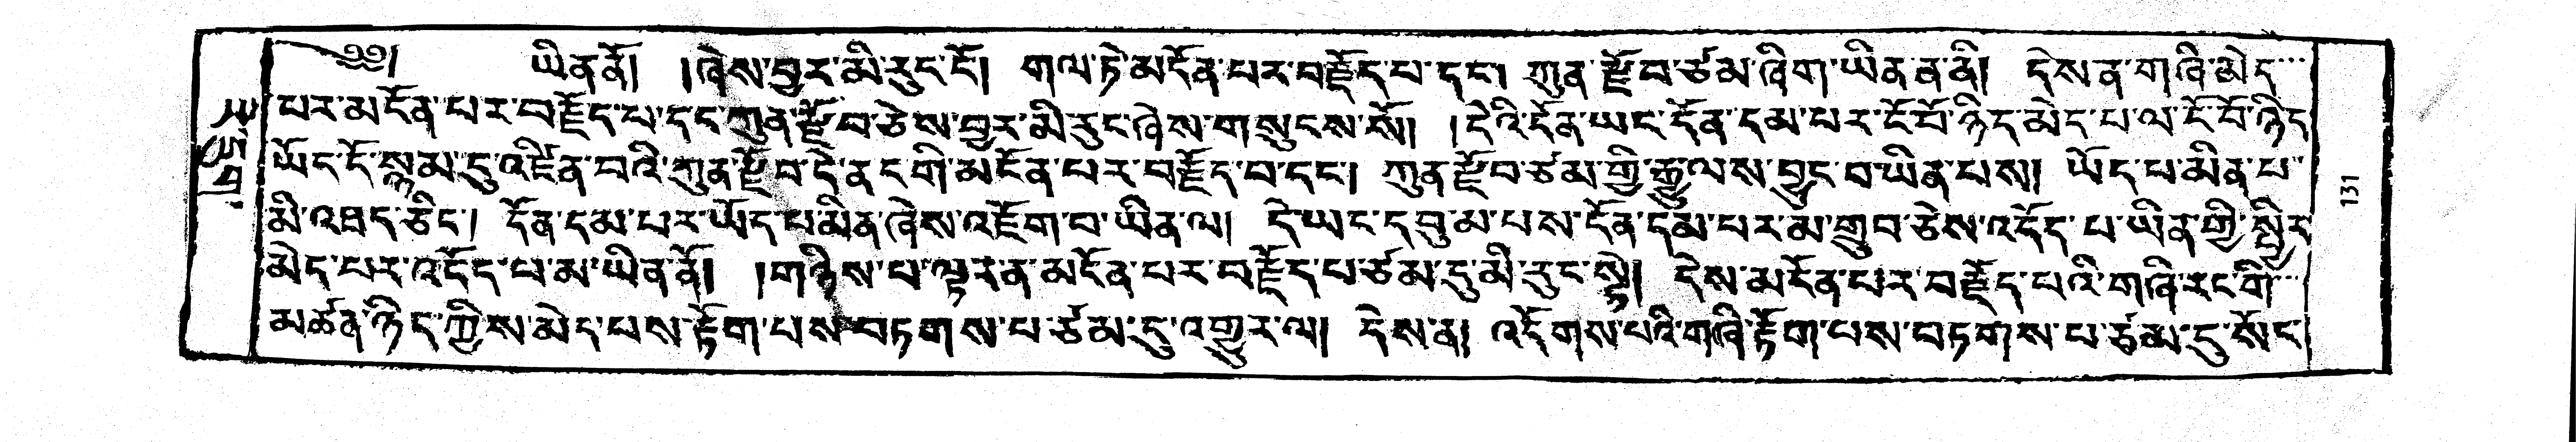༄༅། །ཡིན་ནོ། །ཞེས་བྱར་མི་རུང་ངོ། གལ་ཏེ་མངོན་པར་བརྗོད་པ་དང་། ཀུན་རྫོབ་ཙམ་ཞིག་ཡིན་ན་ནི། དེས་ན་གཞི་མེད་
པར་མངོན་པར་བརྗོད་པ་དང་ཀུན་རྫོབ་ཅེས་བྱར་མི་རུང་ཞེས་གསུངས་སོ། །དེའི་དོན་ཡང་དོན་དམ་པར་ངོ་བོ་ཉིད་མེད་པ་ལ་ངོ་བོ་ཉིད་
ཡོད་དོ་སྙམ་དུ་འཛིན་པའི་ཀུན་རྫོབ་དེ་ནང་གི་མངོན་པར་བརྗོད་པ་དང་། ཀུན་རྫོབ་ཙམ་གྱི་རྒྱུ་ལས་བྱུང་བ་ཡིན་པས། ཡོད་པ་མིན་པ་
མི་འཐད་ཅིང་། དོན་དམ་པར་ཡོད་པ་མིན་ཞེས་འཇོག་པ་ཡིན་ལ། དེ་ཡང་དབུ་མ་པས་དོན་དམ་པར་མ་གྲུབ་ཅེས་འདོད་པ་ཡིན་གྱི་སྤྱིར་
མེད་པར་འདོད་པ་མ་ཡིན་ནོ། །གཉིས་པ་ལྟར་ན་མངོན་པར་བརྗོད་པ་ཙམ་དུ་མི་རུང་སྟེ། དེས་མངོན་པར་བརྗོད་པའི་གཞི་རང་གི་
མཚན་ཉིད་ཀྱིས་མེད་པས་རྟོག་པས་བཏགས་པ་ཙམ་དུ་འགྱུར་ལ། དེས་ན། འདོགས་པའི་གཞི་རྟོག་པས་བཏགས་པ་ཙམ་དུ་སོང་